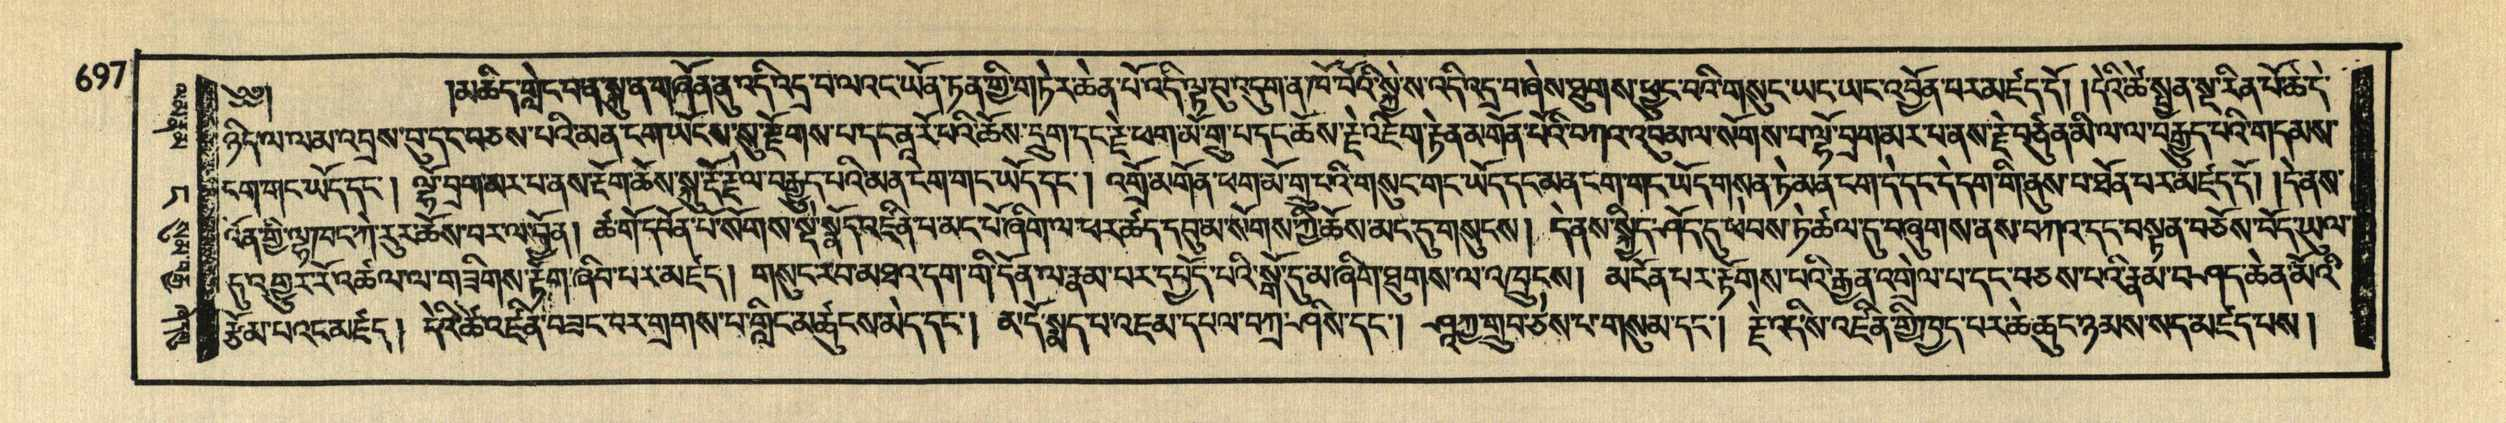༄༅། །མཆིད་གླེང་བ་ན་སྐུ་ན་གཞོན་ནུ་འདི་འདྲ་བ་ལའང་ཡོན་ཏན་གྱི་གཏེར་ཆེན་པོ་འདི་ལྟ་བུ་འདུག་ན་ཁོ་བོའི་སྐྱེ་ས་འདི་འདྲ་བ་ཞེས་ཐུགས་ཕྱུང་བའི་གསུང་ཡང་ཡང་འབྱོན་པར་མཛད་དོ། །དེའི་ཚེ་སྤྱན་སྔ་རིན་པོ་ཆེ་དེ་
ཉིད་ལ་ལམ་འབྲས་བུ་དང་བཅས་པའི་མན་ངག་ཡོངས་སུ་རྫོགས་པ་དང་ནཱ་རོ་པའི་ཆོས་དྲུག་དང་རྗེ་ཕག་མོ་གྲུ་པ་དང་ཆོས་རྗེ་འཇིག་རྟེན་མགོན་པོའི་བཀའ་འབུམ་ལ་སོགས་པ་ལྷོ་བྲག་མར་པ་ནས་རྗེ་བཙུན་མི་ལ་ལ་བརྒྱུད་པའི་གདམས་
ངག་གང་ཡོད་དང་། ལྷོ་བྲག་མར་པ་ནས་རྡོག་ཆོས་སྐུ་རྡོ་རྗེ་ལ་བརྒྱུད་པའི་མན་ངག་གང་ཡོད་དང་། འགྲོ་མགོན་ཕག་མོ་གྲུ་པའི་གསུང་གང་ཡོད་དང་མན་ངག་གང་ཡོད་གསན་ཏེ་མན་ངག་དེ་དང་དེ་དག་གི་ནུས་པ་ཐོན་པར་མཛད་དོ། །དེ་ནས་
འོན་གྱི་ལྷ་ཁང་ཀེ་རུར་ཆོས་བར་ལ་བྱོན། ཚ་གོ་དབོན་པོ་སོགས་སྡེ་སྣོད་འཛིན་པ་མང་པོ་ཞིག་ལ་ཕར་ཚད་དབུ་མ་སོགས་ཀྱི་ཆོས་མང་དུ་གསུངས། དེ་ནས་སྐྱིད་ཤོད་དུ་ཕེབས་ཏེ་ཚལ་དུ་བཞུགས་ནས་བཀའ་དང་བསྟན་བཅོས་བོད་ཡུལ་
དུ་འགྱུར་རོ་འཚལ་ལ་གཟིགས་རྟོག་ཞིབ་པར་མཛད། གསུང་རབ་མཐའ་དག་གི་དོན་ལ་རྣམ་པར་དཔྱོད་པའི་སྒོ་དུ་མ་ཞིག་ཐུགས་ལ་འཁྲུངས། མངོན་པར་རྟོགས་པའི་རྒྱན་འགྲེལ་པ་དང་བཅས་པའི་རྣམ་བཤད་ཆེན་མོའི་
རྩོམ་པའང་མཛད། དེའི་ཚེ་འཛིན་བཟང་བར་གྲགས་པ་གླིང་མཚུངས་མེད་དང་། མདོ་སྨད་པ་འཇམ་དཔལ་བཀྲ་ཤིས་དང་། ཤཱཀྱ་གྲུབ་ཅེས་པ་གསུམ་དང་། རྗེ་འདིས་འཛིན་གྱི་ཁྱད་པར་ཆེ་ཆུང་ཉམས་སད་མཛད་པས།